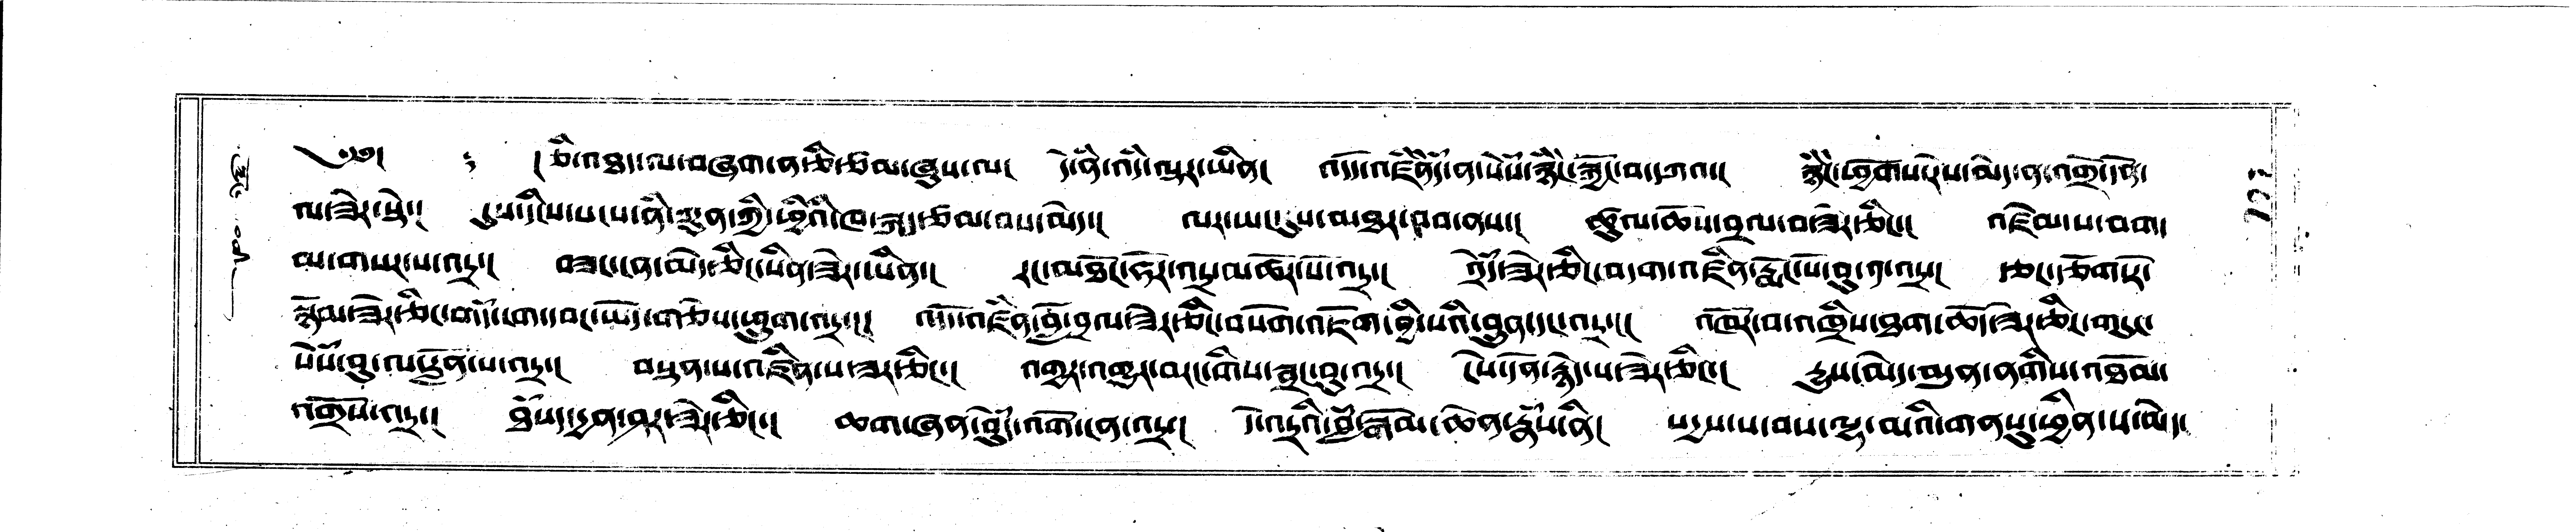ཅི་འཐད་ལ་བཞག་ན་ཅི་ཙམ་ཞུས་ལ། དེ་ནི་འདི་ལྟར་ཡིན། འདོད་འཛིན་མེད་ན་སེམས་སྙིང་རྗེ་སྐྱོང་བ་དཀའ། སྙིང་རྗེ་ཕྱོགས་རིས་མེད་ན་འགྲོ་དོན་
ལ་ཟེར་ཏེ། དུས་དེང་སང་ནི་ཀུན་གྱི་ཕྱིའི་ཁ་སྐད་ཙམ་བས་མེད། ལར་ཡང་དུས་མཐར་བབ་ནས། ཚུལ་འཆོས་བྲལ་བ་ཟེར་ཞིང་། འཛེམ་པ་བག་
མ་གསར་པ་འདྲ། བཟང་ངན་མེད་ཅིང་སིན་ཟེར་ཡིན། རང་མཐོང་ཧོར་འདྲ་མཚོར་པོ་འདྲ། གཉིས་མེད་ཟེར་ཞིང་བདག་འཛིན་རྨོངས་པོ་བུ་གཅིག་འདྲ། གཙང་བཙོག་རོ་
སྙོམས་ཟེར་ཅིང་གདམས་ངག་དབང་ཡོད་གཅེས་ཕྲུག་འདྲ། འདོད་འཛིན་བློ་བྲལ་ཟེར་ཞིང་གསོག་འཇོག་བྱི་པའི་བྲུན་དང་འདྲ། འཁོར་བ་འཁྲིས་ཐག་ཆོད་ཟེར་ཅིང་གདུང་
སེམས་བུ་ལ་རློན་པ་འདྲ། བསྟན་པ་འཛིན་པ་ཟེར་ཅིང་། འགྱར་འགྱུར་བར་སྣང་གི་སྦྲང་བུ་འདྲ། ངེས་དོན་རྙེད་པ་ཟེར་ཅིང་། རྒྱུས་མེད་མུན་ནག་གི་འཐོམ་
འགྲོས་འདྲ། ཐམས་ཅད་རྒྱན་ཤར་ཟེར་ཅིང་། ཆགས་ཞེན་བུད་མེད་འགོ་ངན་འདྲ། དེ་འདྲའི་བླ་མ་སྒོམ་ཆེན་རྣམས་ནི། སངས་རྒྱས་པ་བས་ལྷ་མིའི་གནས་སུ་ཕྱིན་པ་མེད།